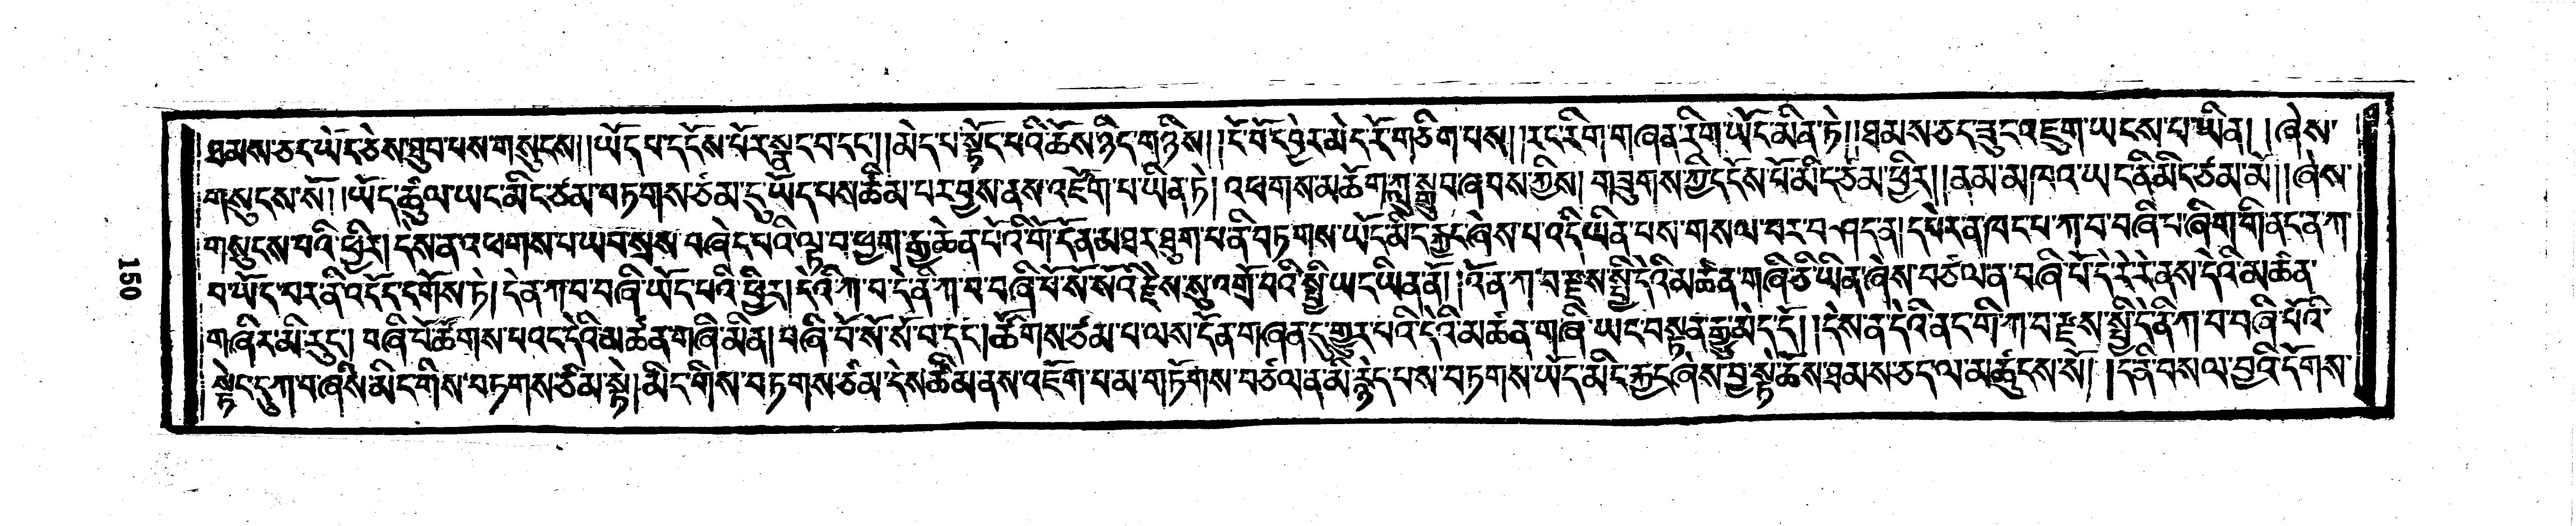ཐམས་ཅད་ཡོད་ཅེས་ཐུབ་པས་གསུངས། །ཡོད་པ་དངོས་པོར་སྣང་བ་དང་། །མེད་པ་སྟོང་པའི་ཆོས་ཉིད་གཉིས། །ངོ་བོ་དབྱེར་མེད་རོ་གཅིག་པས། །རང་རིག་གཞན་རིག་ཡོད་མིན་ཏེ། །ཐམས་ཅད་ཟུང་འཇུག་ཡངས་པ་ཡིན། །ཞེས་
གསུངས་སོ། །ཡོད་ཚུལ་ཡང་མིང་ཙམ་བཏགས་ཙམ་དུ་ཡོད་པས་ཚིམ་པར་བྱས་ནས་འཇོག་པ་ཡིན་ཏེ། འཕགས་མཆོག་ཀླུ་སྒྲུབ་ཞབས་ཀྱིས། གཟུགས་ཀྱི་དངོས་པོ་མིང་ཙམ་ཕྱིར། །ནམ་མཁའ་ཡང་ནི་མིང་ཙམ་མོ། །ཞེས་
གསུངས་པའི་ཕྱིར། དེས་ན་འཕགས་པ་ཡབ་སྲས་བཞེད་པའི་ལྟ་བ་ཕྱག་རྒྱ་ཆེན་པོའི་གོ་དོན་མཐར་ཐུག་པ་ནི་བཏགས་ཡོད་མིང་རྐྱང་ཞེས་པ་འདི་ཡིན་པས་གསལ་བར་བཤད་ན། དཔེར་ན་ཁང་པ་ཀ་བ་བཞི་པ་ཞིག་གི་ནང་ན་ཀ་
བ་ཡོད་པར་ནི་འདོད་དགོས་ཏེ། དེ་ན་ཀ་བ་བཞི་ཡོད་པའི་ཕྱིར། དེའི་ཀ་བ་དེ་ནི་ཀ་བ་བཞི་པོ་སོ་སོའི་རྗེས་སུ་འགྲོ་བའི་སྤྱི་ཡང་ཡིན་ནོ། །འོ་ན་ཀ་བ་རྫས་སྤྱི་དེའི་མཚན་གཞི་ཅི་ཡིན་ཞེས་བཙལ་ན་བཞི་པོ་དེ་རེ་རེ་ནས་དེའི་མཚན་
གཞིར་མི་རུང་། བཞི་པོ་ཚོགས་པའང་དེའི་མཚན་གཞི་མིན། བཞི་པོ་སོ་སོ་བ་དང་། ཚོགས་ཙམ་པ་ལས་དོན་གཞན་དུ་གྱུར་པའི་དེའི་མཚན་གཞི་ཡང་བསྟན་རྒྱུ་མེད་དོ། །དེས་ན་དེའི་ནང་གི་ཀ་བ་རྫས་སྤྱི་དེ་ནི་ཀ་བ་བཞི་པོའི་
སྟེང་དུ་ཀ་བ་ཞེས་མིང་གིས་བཏགས་ཙམ་སྟེ། མིང་གིས་བཏགས་ཙམ་དེས་ཚིམ་ནས་འཇོག་པ་མ་གཏོགས་བཙལ་ན་མི་རྙེད་པས་བཏགས་ཡོད་མིང་རྐྱང་ཞེས་བྱ་སྟེ་ཆོས་ཐམས་ཅད་ལ་མཚུངས་སོ། །ད་ནི་བསལ་བྱའི་དོགས་